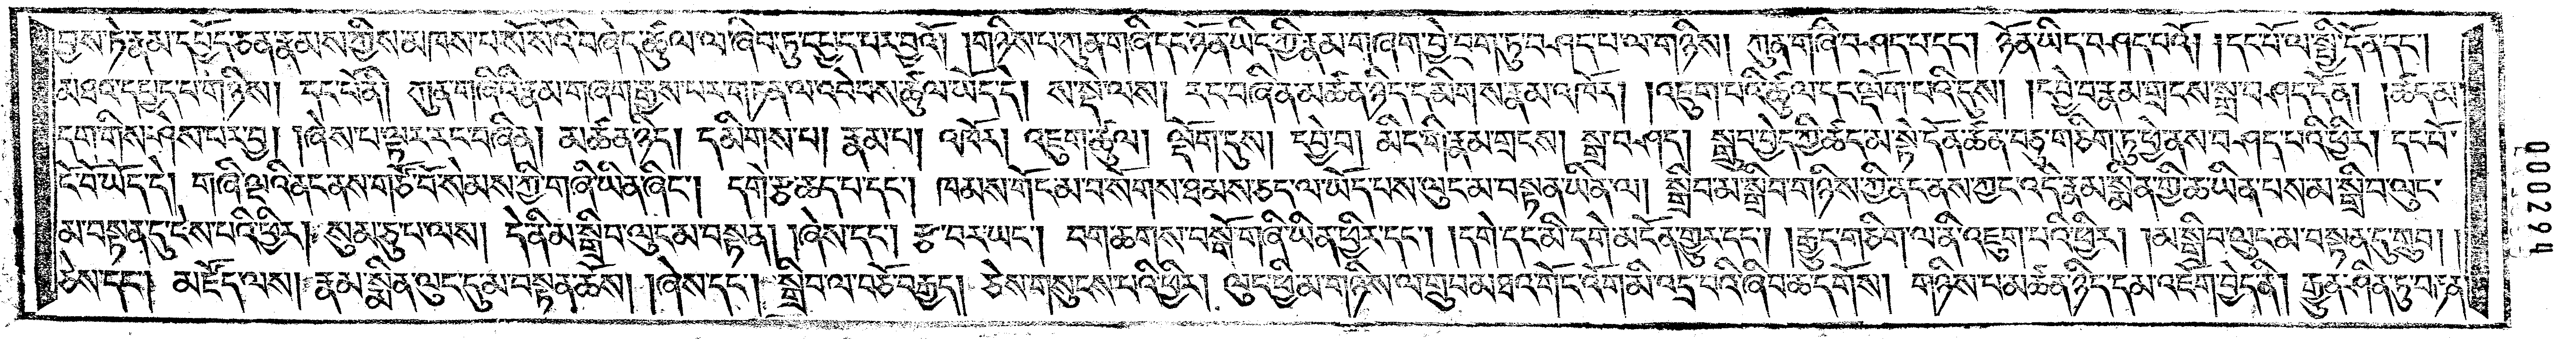བྱས་ཏེ་རྣམ་དཔྱོད་ཅན་རྣམས་ཀྱིས་མཁས་པ་སོ་སོའི་བཞེད་ཚུལ་ལ་ཞིབ་ཏུ་དཔྱད་པར་བྱའོ། །གཉིས་པ་ཀུན་གཞི་དང་ཉོན་ཡིད་ཀྱི་རྣམ་གཞག་བྱེ་བྲག་ཏུ་བཤད་པ་ལ་གཉིས། ཀུན་གཞི་བཤད་པ་དང་། ཉོན་ཡིད་བཤད་པའོ། །དང་པོ་ལ་སྤྱི་དོན་དང་།
མཐའ་དཔྱད་པ་གཉིས། དང་པོ་ནི། ཀུན་གཞིའི་རྣམ་གཞག་རྒྱས་པར་གཏན་ལ་འབེབས་ཚུལ་ཡོད་དེ། ས་སྡེ་ལས། རང་བཞིན་མཚན་ཉིད་དམིགས་རྣམ་འཁོར། །འཇུག་པའི་ཚུལ་དང་ལྡོག་པའི་དུས། །དབྱེ་བ་རྣམ་གྲངས་སྒྲ་བཤད་དོན། །ཚད་མ་
དག་གིས་ཤེས་པར་བྱ། །ཞེས་པ་ལྟར་རང་བཞིན། མཚན་ཉིད། དམིགས་པ། རྣམ་པ། འཁོར། འཇུག་ཚུལ། ལྡོག་དུས། དབྱེ་བ། མིང་གི་རྣམ་གྲངས། སྒྲ་བཤད། སྒྲུབ་བྱེད་ཀྱི་ཚད་མ་སྟེ་དོན་ཚན་བཅུ་གཅིག་ཏུ་ཕྱེ་ནས་བཤད་པའི་ཕྱིར། དང་པོ་
ངོ་བོ་ཡོད་དེ། གཞི་ལྔའི་ནང་ནས་གཙོ་བོ་སེམས་ཀྱི་གཞི་ཡིན་ཞིང་། དགེ་རྩ་ཆད་པ་དང་། ཁམས་གོང་མ་བ་སོགས་ཐམས་ཅད་ལ་ཡོད་པས་ལུང་མ་བསྟན་ཡིན་ལ། སྒྲིབ་མ་སྒྲིབ་གཉིས་ཀྱི་ནང་ནས་ཀྱང་འདི་རྣམ་སྨིན་གྱི་ཆ་ཡིན་པས་མ་སྒྲིབ་ལུང་
མ་བསྟན་དུ་ངེས་པའི་ཕྱིར། སུམ་ཅུ་པ་ལས། དེ་ནི་མ་སྒྲིབ་ལུང་མ་བསྟན། །ཞེས་དང་། རྩ་བར་ཡང་། བག་ཆགས་བསྒོ་གཞི་ཡིན་ཕྱིར་དང་། །དགེ་དང་མི་དགེ་མངོན་གྱུར་དང་། །རྒྱུད་གཅིག་ལ་ནི་འཇུག་པའི་ཕྱིར། །མ་སྒྲིབ་ལུང་མ་བསྟན་དུ་གྲུབ།།
ཅེས་དང་། མཛོད་ལས། རྣམ་སྨིན་ལུང་དུ་མ་བསྟན་ཆོས། །ཞེས་དང་། སྒྲིབ་ལ་བཅོ་བརྒྱད། ཅེས་གསུངས་པའི་ཕྱིར། ལུང་ཕྱི་མ་གཉིས་ལ་གྲུབ་མཐའ་གོང་འོག་མི་འདྲ་བའི་ཞིབ་ཆ་དགོས། གཉིས་པ་མཚན་ཉིད་དམ་འཇོག་བྱེད་ནི། རྒྱུན་ཤིན་ཏུ་བརྟན་